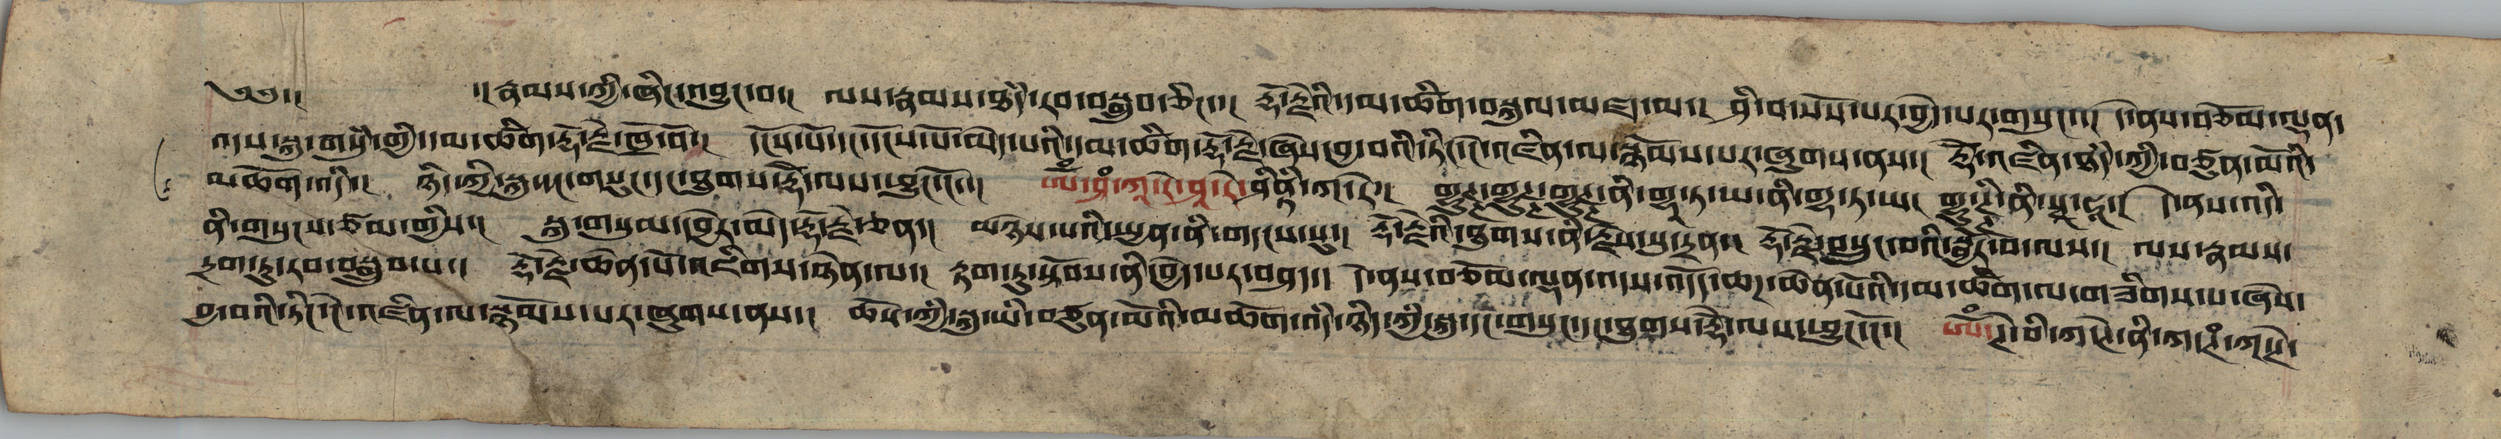༄༅་། ་།རྣམས་ཀྱི་ཞིང་འབྱུང་བ་། ལས་རྣམས་ཐཾད་རབ་བསྒྲུབ་ཅིང་་། རྡོ་རྗེའི་དམ་ཚིག་བསྐུལ་མཛད་མ་། ཤི་བ་སོས་པར་བྱེད་པར་གསུང་་། དེ་ནས་བཅོམ་ལྡན་
འདས་སྐུ་གསུཾ་གྱི་དམ་ཚིག་རྡོ་རྗེ་ཁྲོ་བོ་། དངོས་པོ་དང་དངོས་པོ་མེད་པའི་དམ་ཚིག་རྡོ་རྗེ་ཞེས་བྱ་བའི་ཏིང་ངེ་འཛིན་ལ་སྙོམས་པར་ཞུགས་ནས་། རྡོེ་འཛིན་ཐཾད་ཀྱི་བཙུན་མོའི་
མཆོག་འདི་། ཉིད་ཀྱི་སྐུ་དང་གསུང་དང་ཐུགས་རྡོེ་ལས་ཕྱུང་ངོ་་། ཨོཾ་ཤཾ་ཀཱ་རེ་ཤིནྟི་ཀ་རེ་། གྷུཊྚ་གྷུཊྚ་གྷུཊྚ་ནི་གྷ་ཏ་ཡ་ནི་གྷ་ཏ་ཡ། གྷུ་ཊྚི་ནི་སྭཱ་ཧཱ་། དེ་ནས་འདི་
ནི་གསུངས་ཙམ་གྱིས་། སྐུ་གསུམ་དབྱེར་མེད་རྡོ་རྗེ་ཅན་། མཉེས་པའི་སྤྱན་ནི་གདངས་སུ་། རྡོ་རྗེའི་ཐུགས་ནི་རྗེས་སུ་དྲན་། རྡོ་རྗེ་བསྲུང་བའི་སྦྱོར་བ་ལས་། ལས་རྣམས་
དྲག་ཏུ་རབ་བསྒྲུབ་པ་། རྡོ་རྗེ་ཆེན་པོ་འཇིགས་ཉེན་ལ་། རྟག་ཏུ་སྟོབས་ནི་བྱེད་པར་བཤད། དེ་ནས་བཅོམ་ལྡན་འདས་འདོད་ཆཌ་ཆེན་པོའི་དམ་ཚིག་ལ་གཟིགས་པ་ཞེས་
བྱ་བའི་ཏིང་ངེ་འཛིན་ལ་སྙོམས་པར་ཞུགས་ནས་། ཆོས་ཀྱི་སྐུ་ཡི་བཙུན་མོའི་མཆོག་འདི་ཉིད་ཀྱི་སྐུ་དང་གསུང་དང་ཐུགས་རྡོེ་ལས་ཕྱུང་ངོ་། ཨོཾ་ཊེ་བི་ཀ་ཊེ་ནི་ཀ་ཊཾ་ཀ་ཊེ